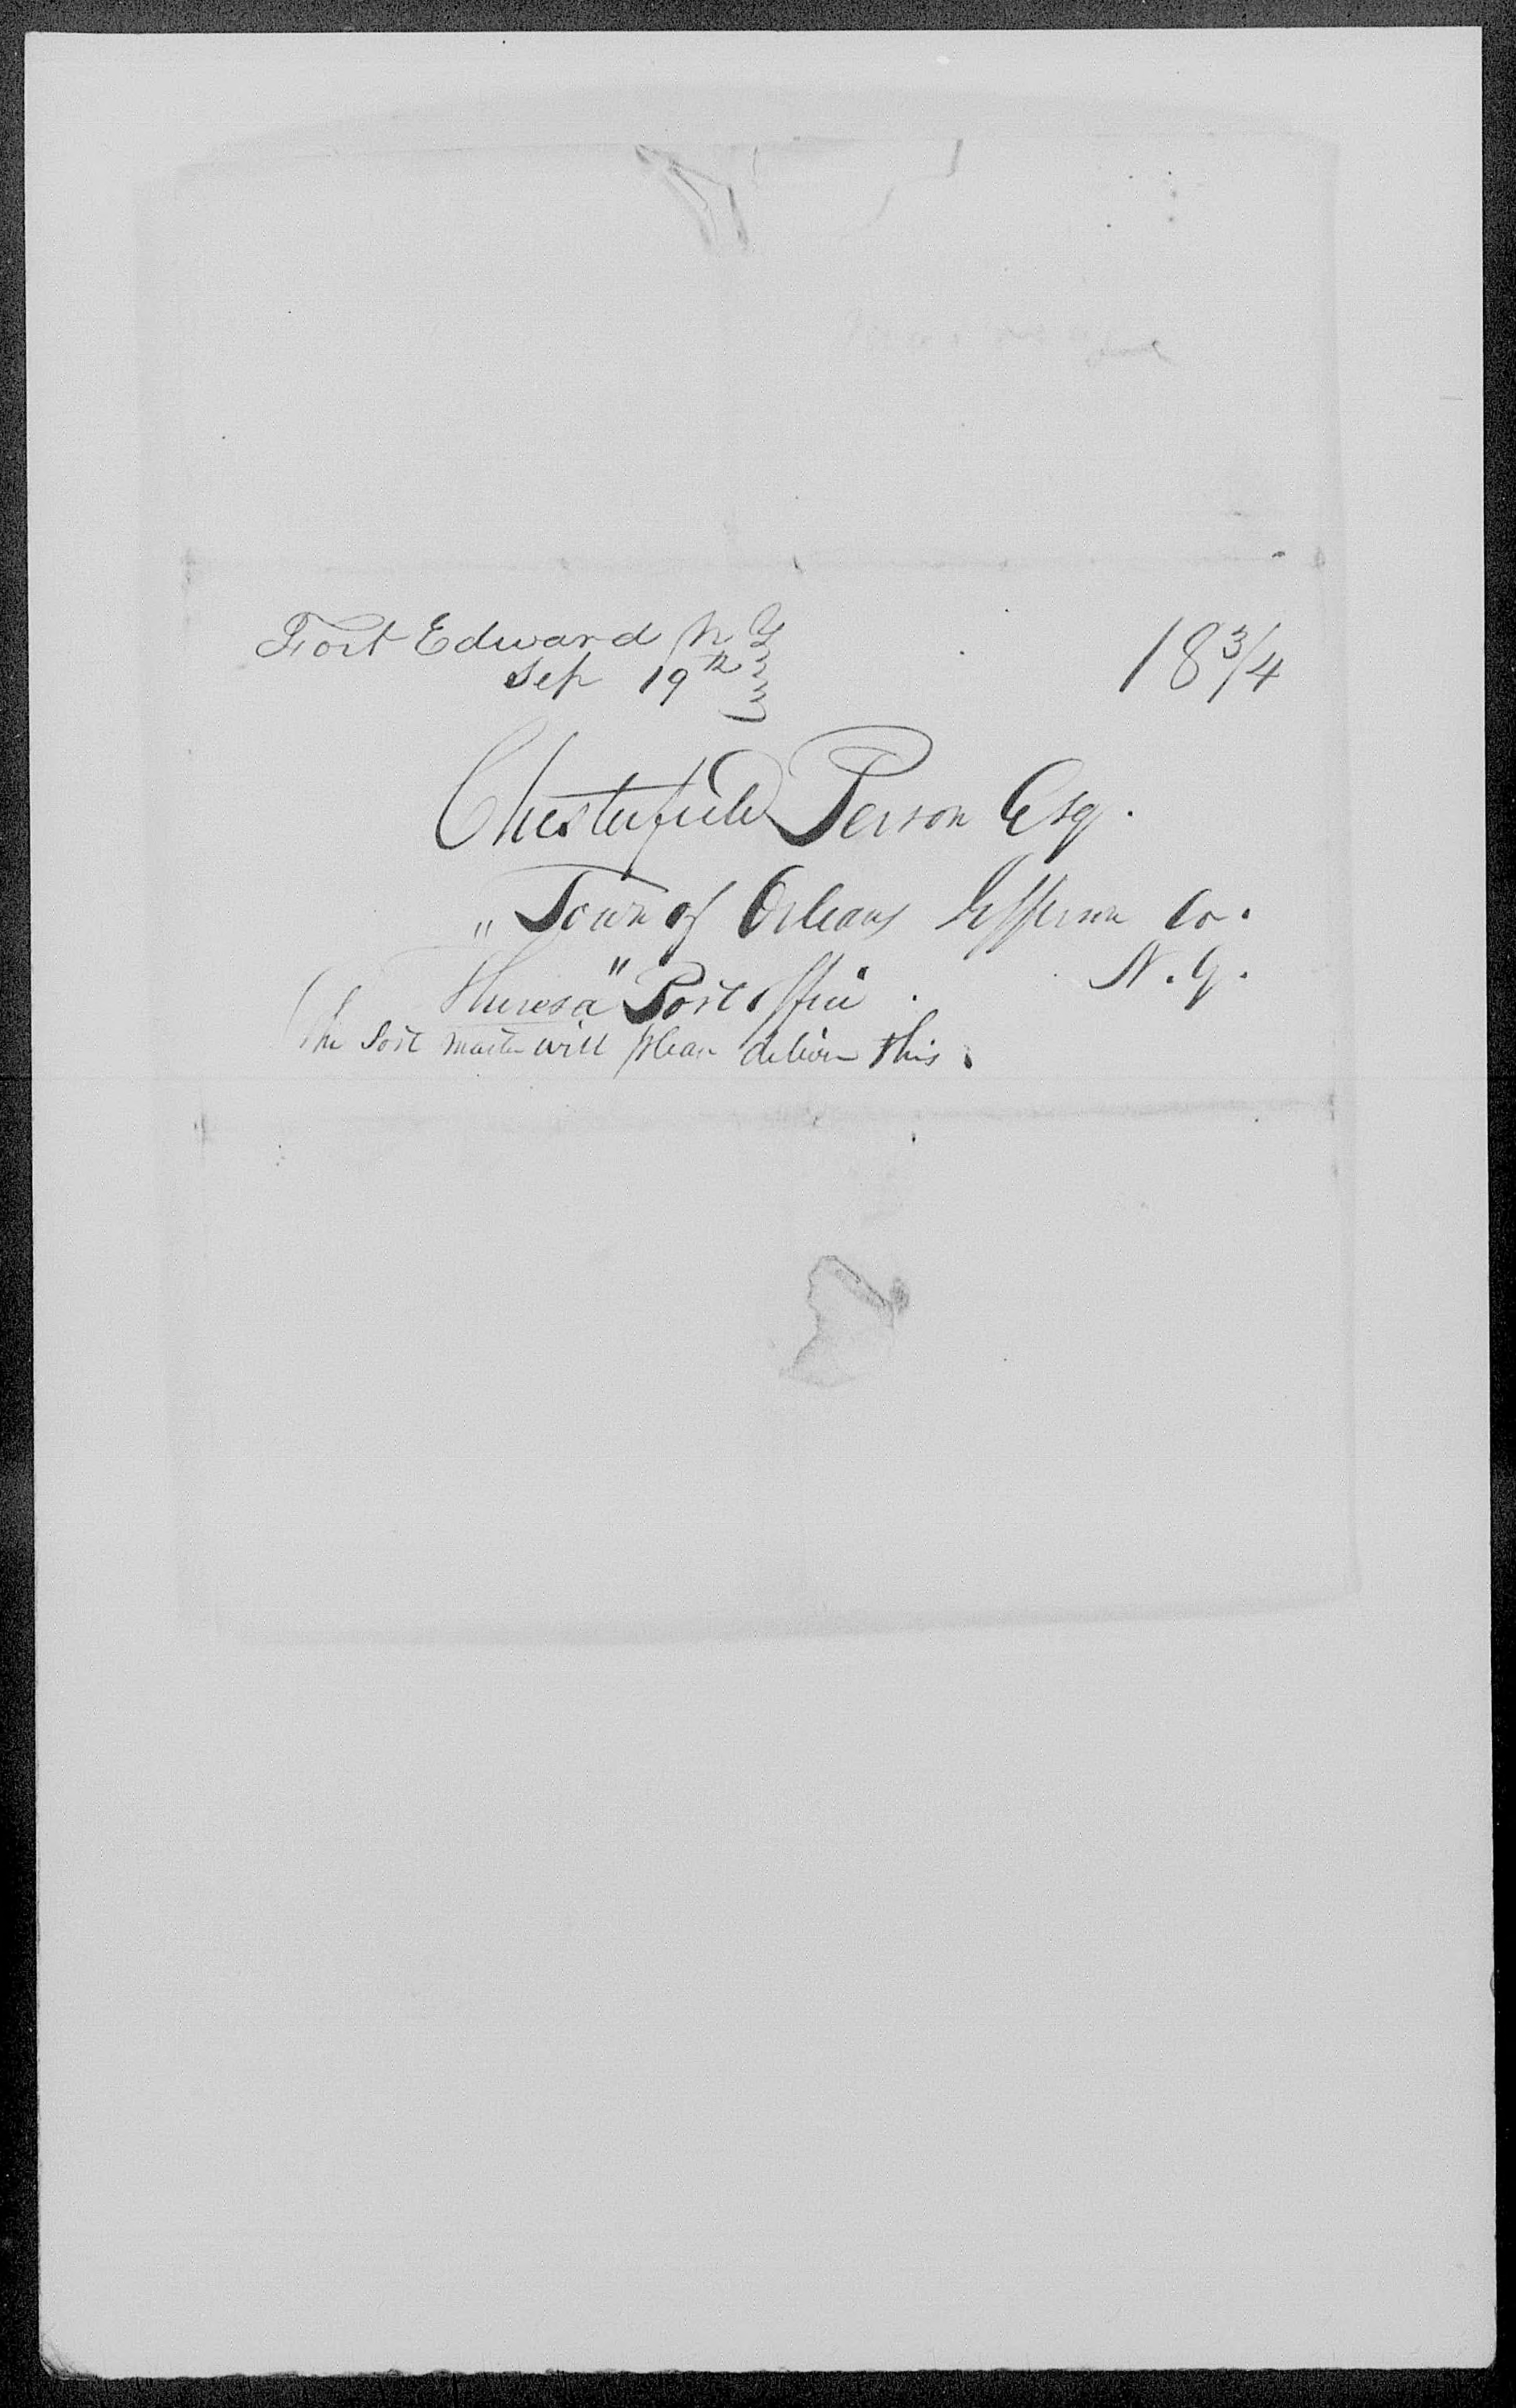Fort Edward NY
Sep 19th 

18 3/4

Chesterfield Person Esq. 
Town of Orleans Jefferson Co. 
NY
There's a "Post Office"
The post master will please deliver this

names: Chesterfield Person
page: 61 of 83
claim: widow's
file: W. 10,384, Oliver Barrett, Continental (Vt.) N.Y.